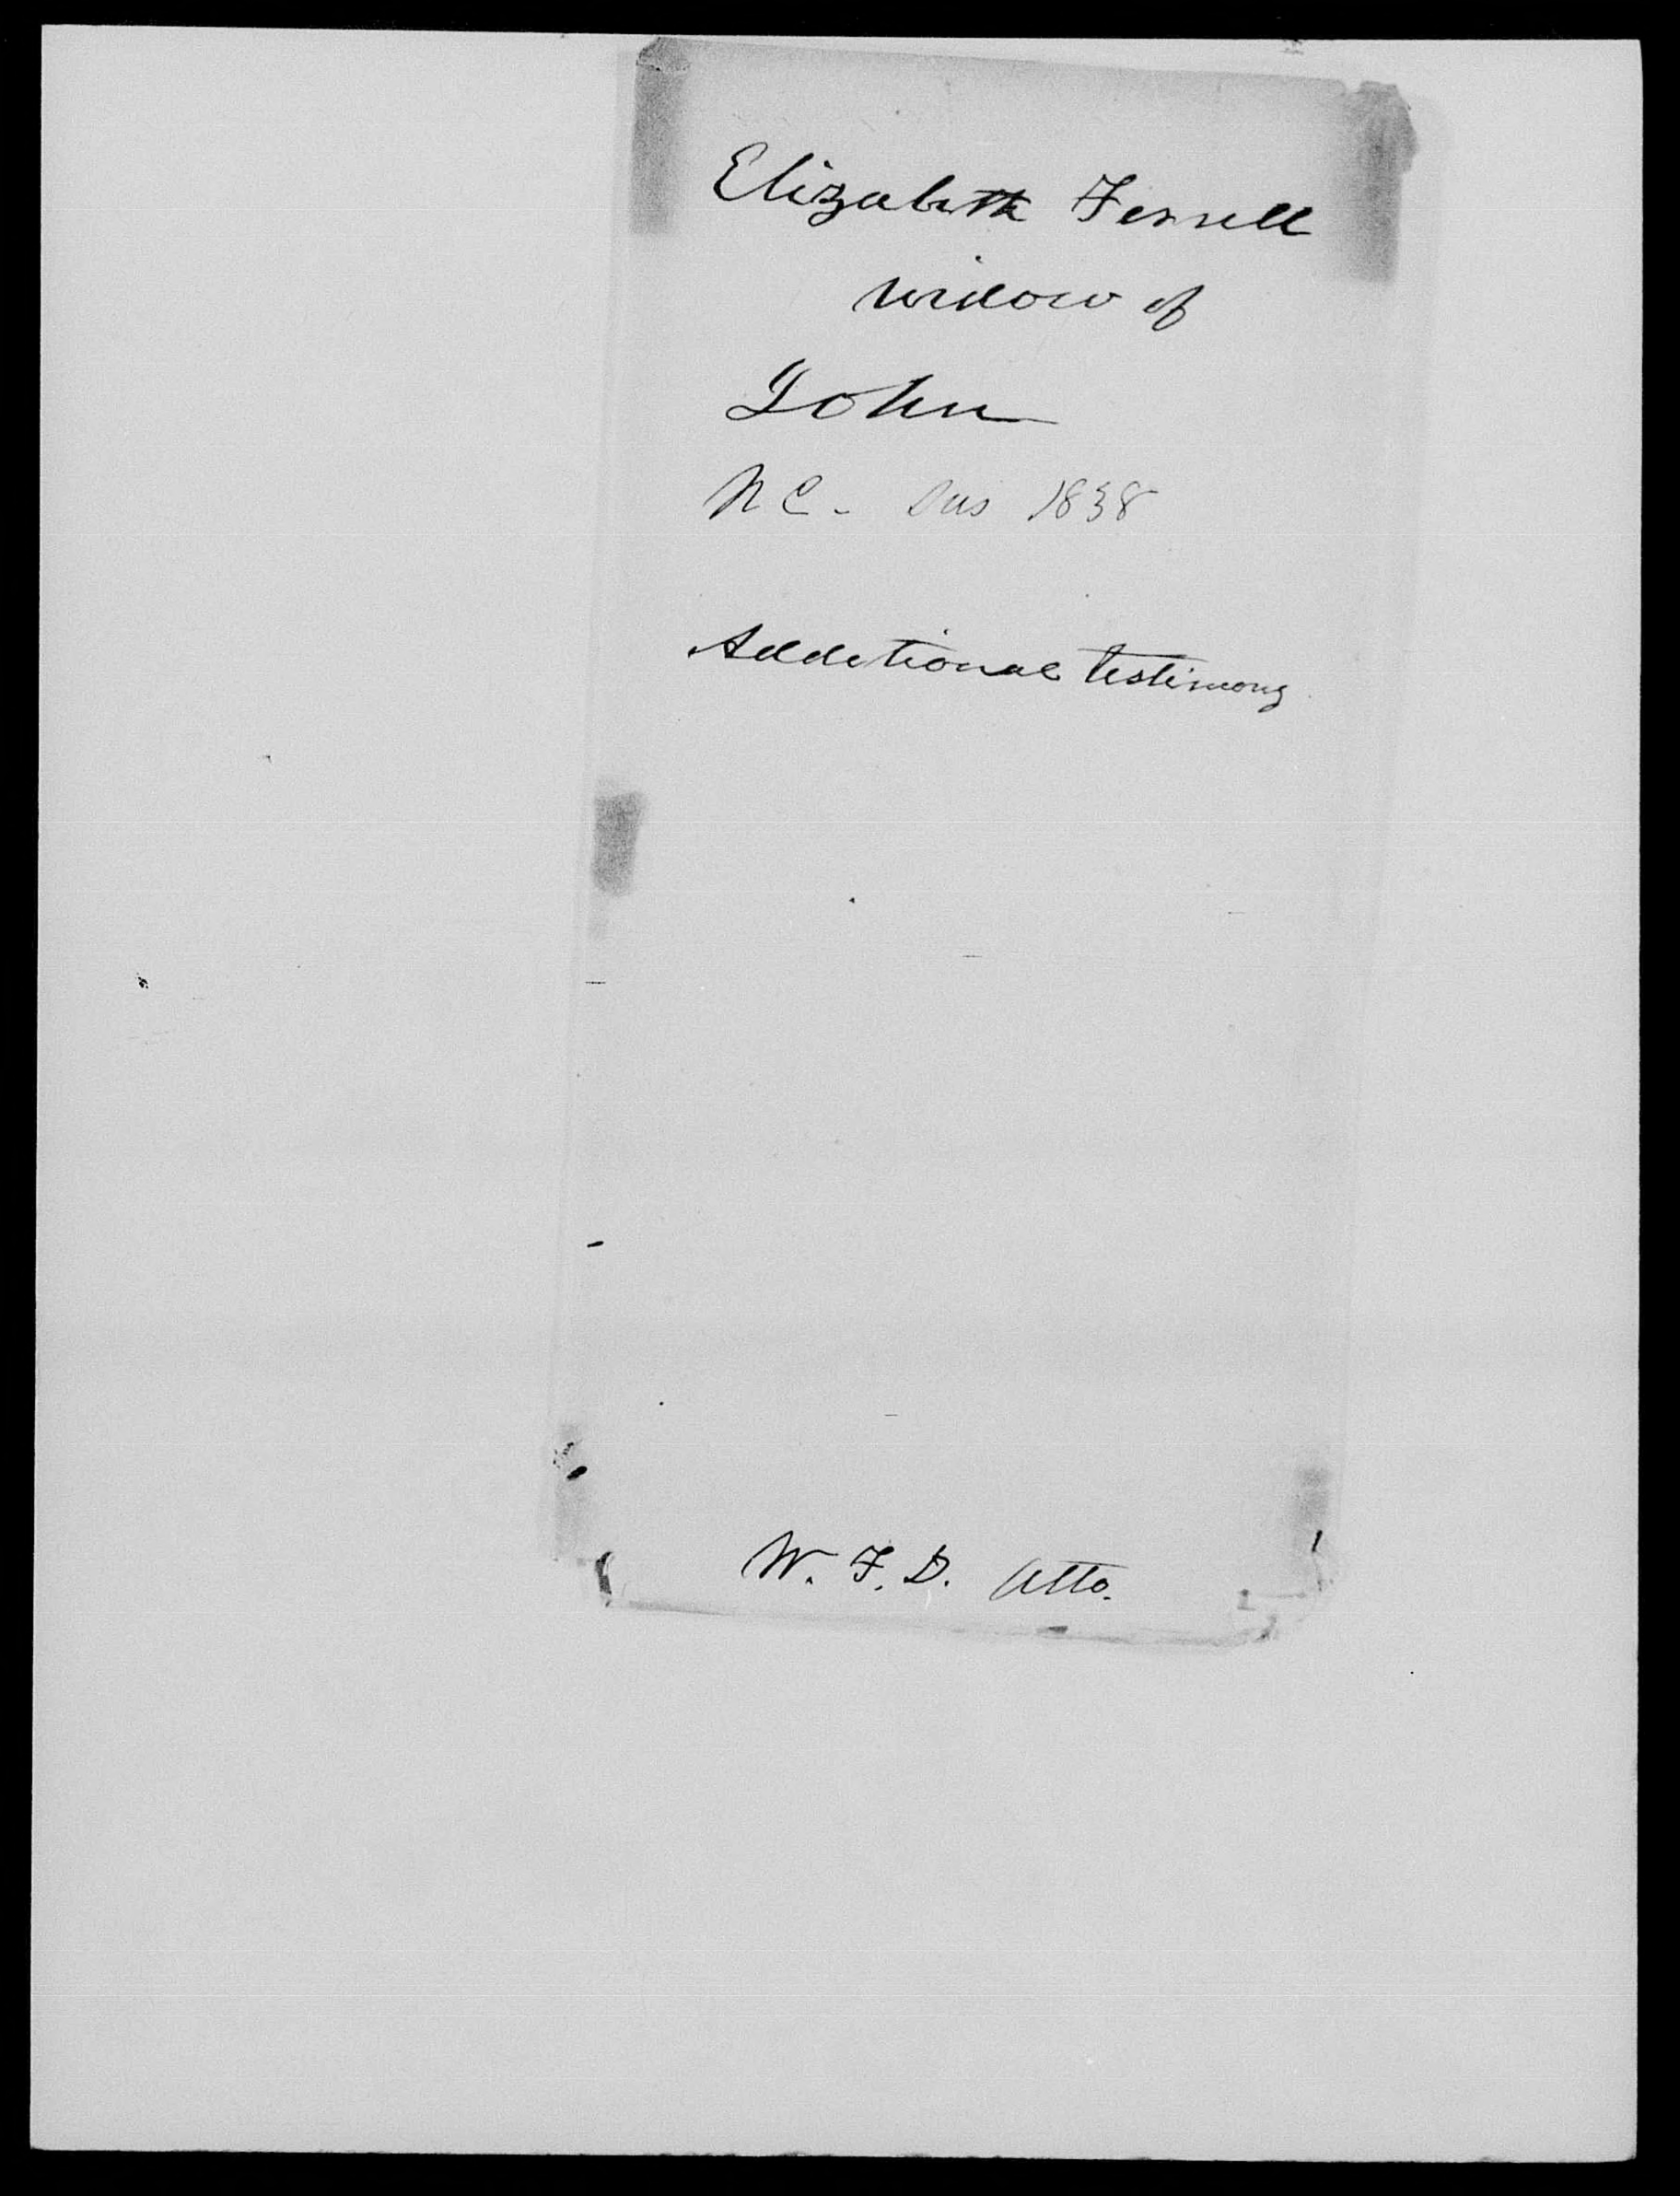Elizabeth Fennell
Widow of John
NC. Sus. 1838
Additional Testimony
W.F.D. :illegible:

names: Elizabeth Ferrell, John Ferrell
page: 47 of 52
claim: rejected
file: R. 3,512, John Ferrell, N.C.